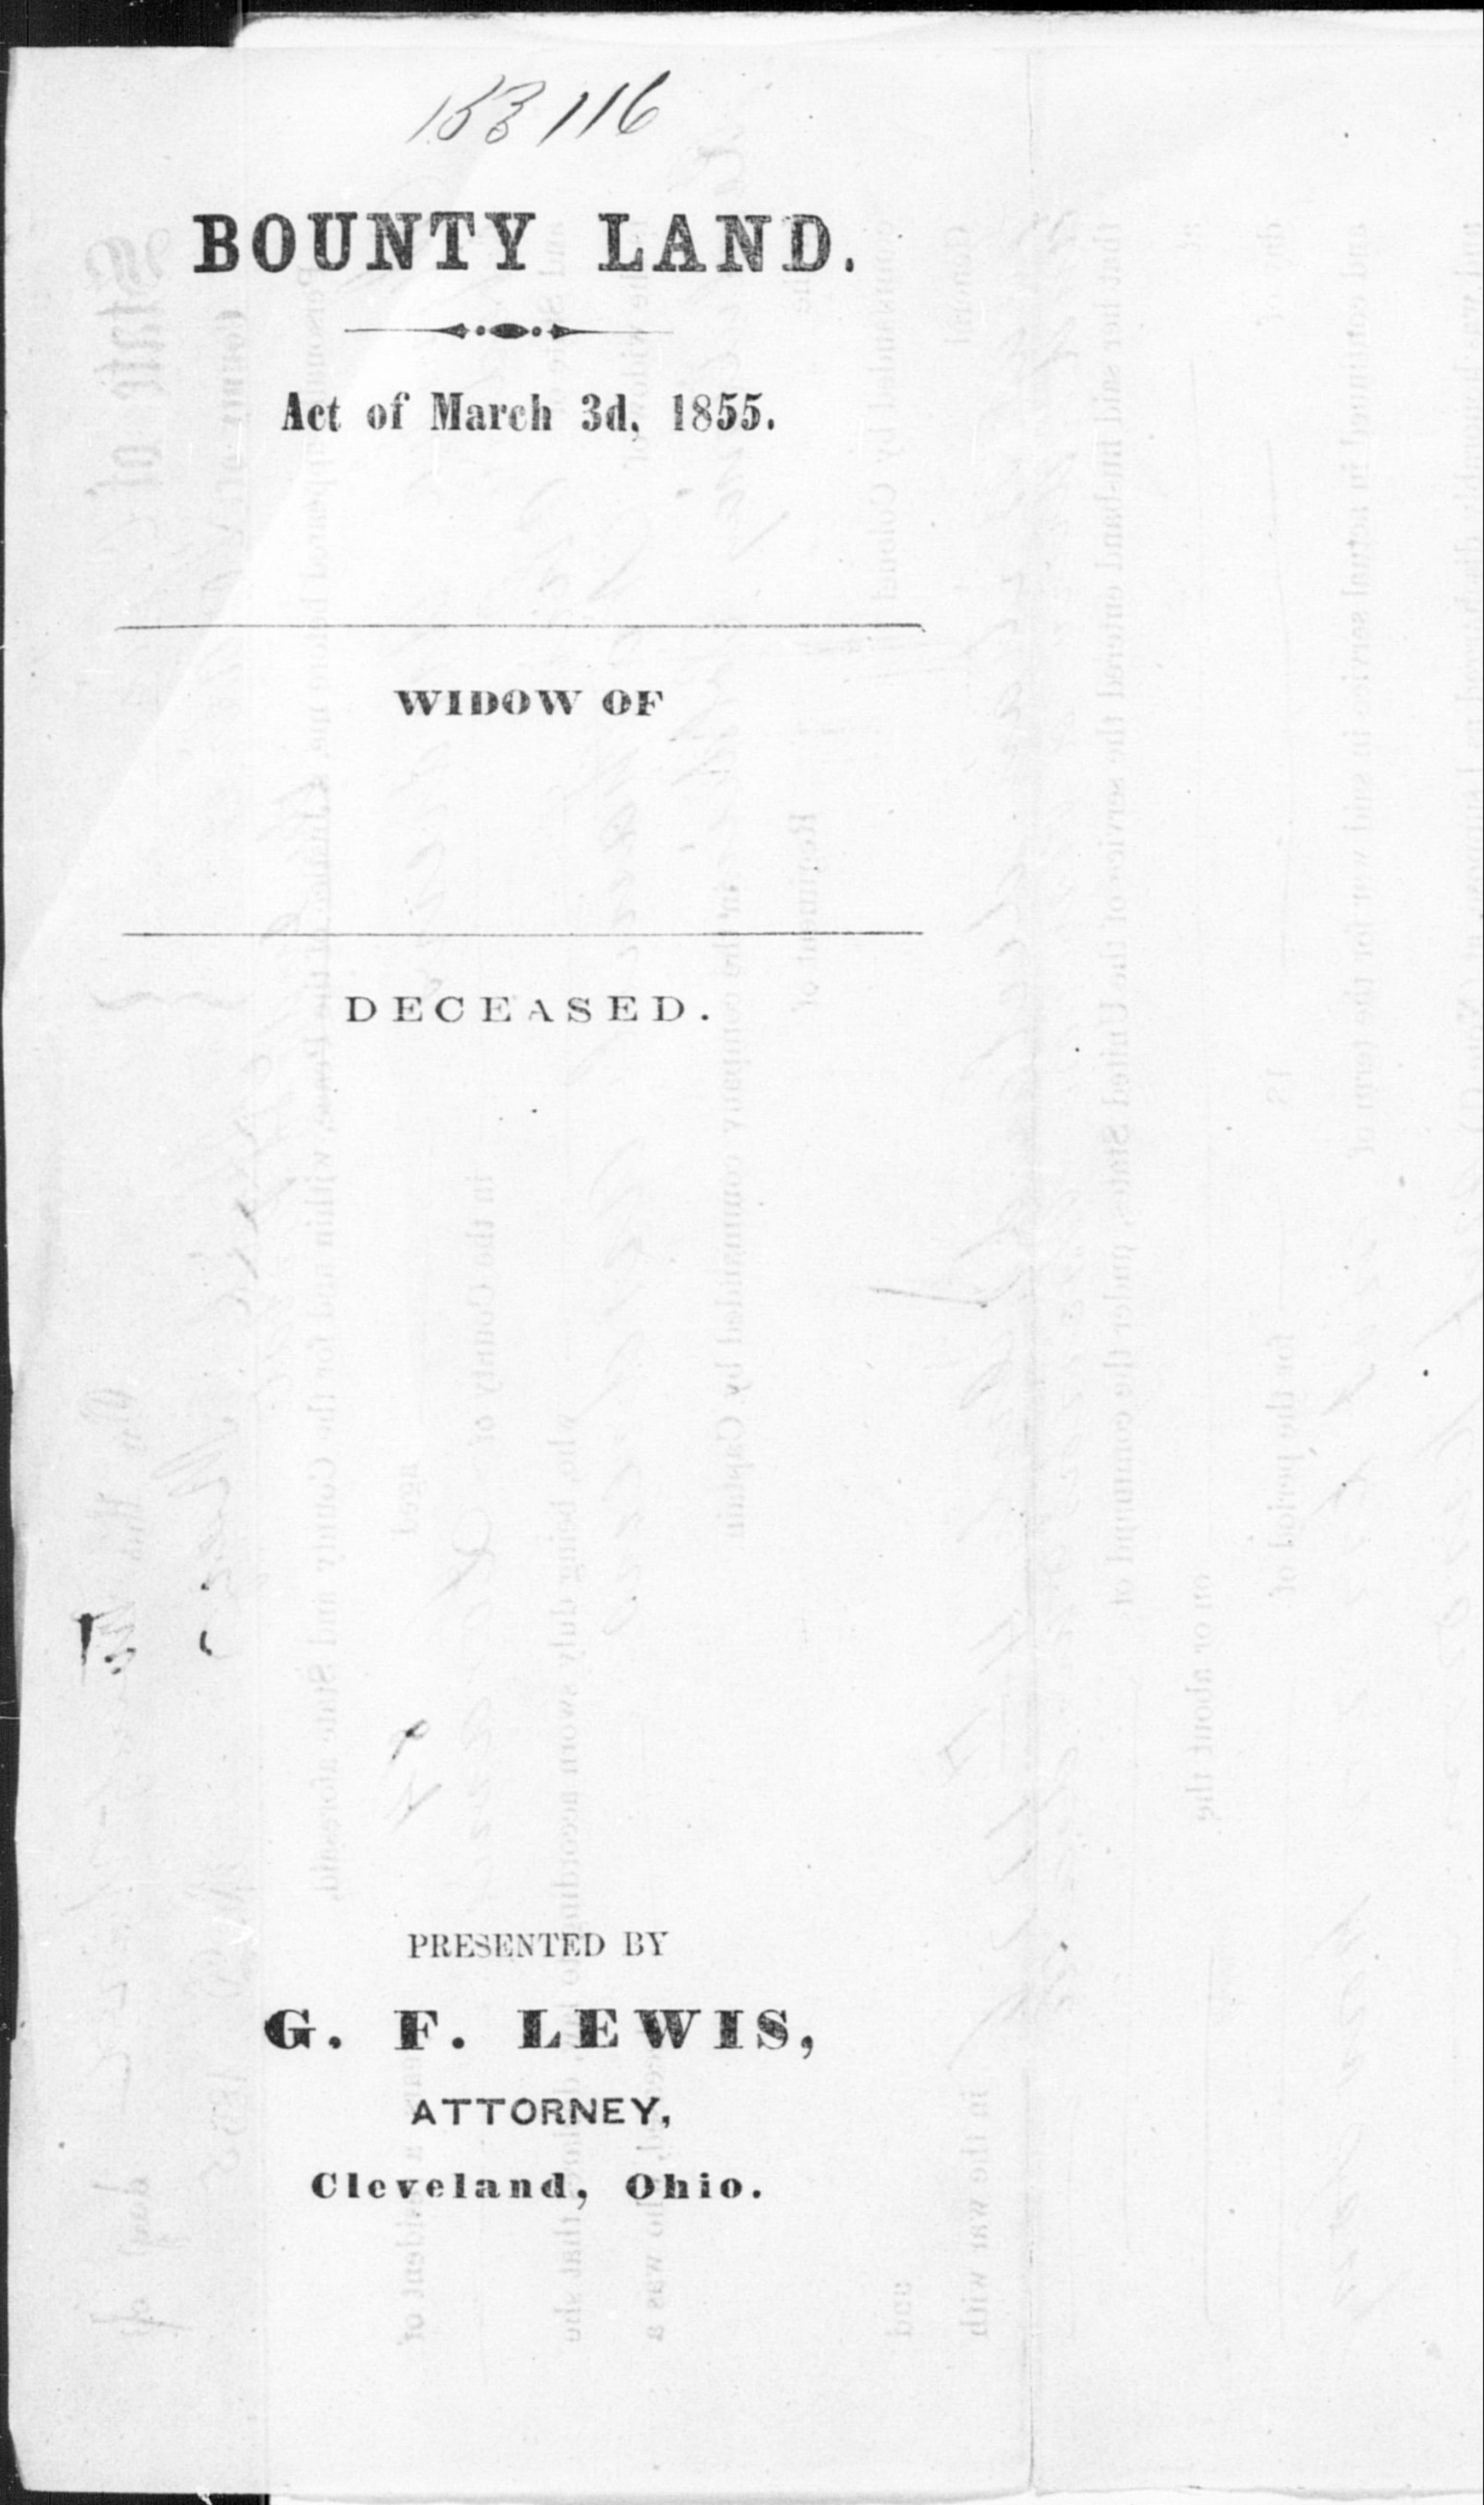153116
BOUNTY LAND.
Act of March 3d, 1855.
WIDOW OF
DECEASED.
PRESENTED BY
G. F. LEWIS.
ATTORNEY,
Cleveland, Ohio.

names: G F Lewis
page: 17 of 78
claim: widow's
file: W. 4117, Nathaniel Bradley, Conn.